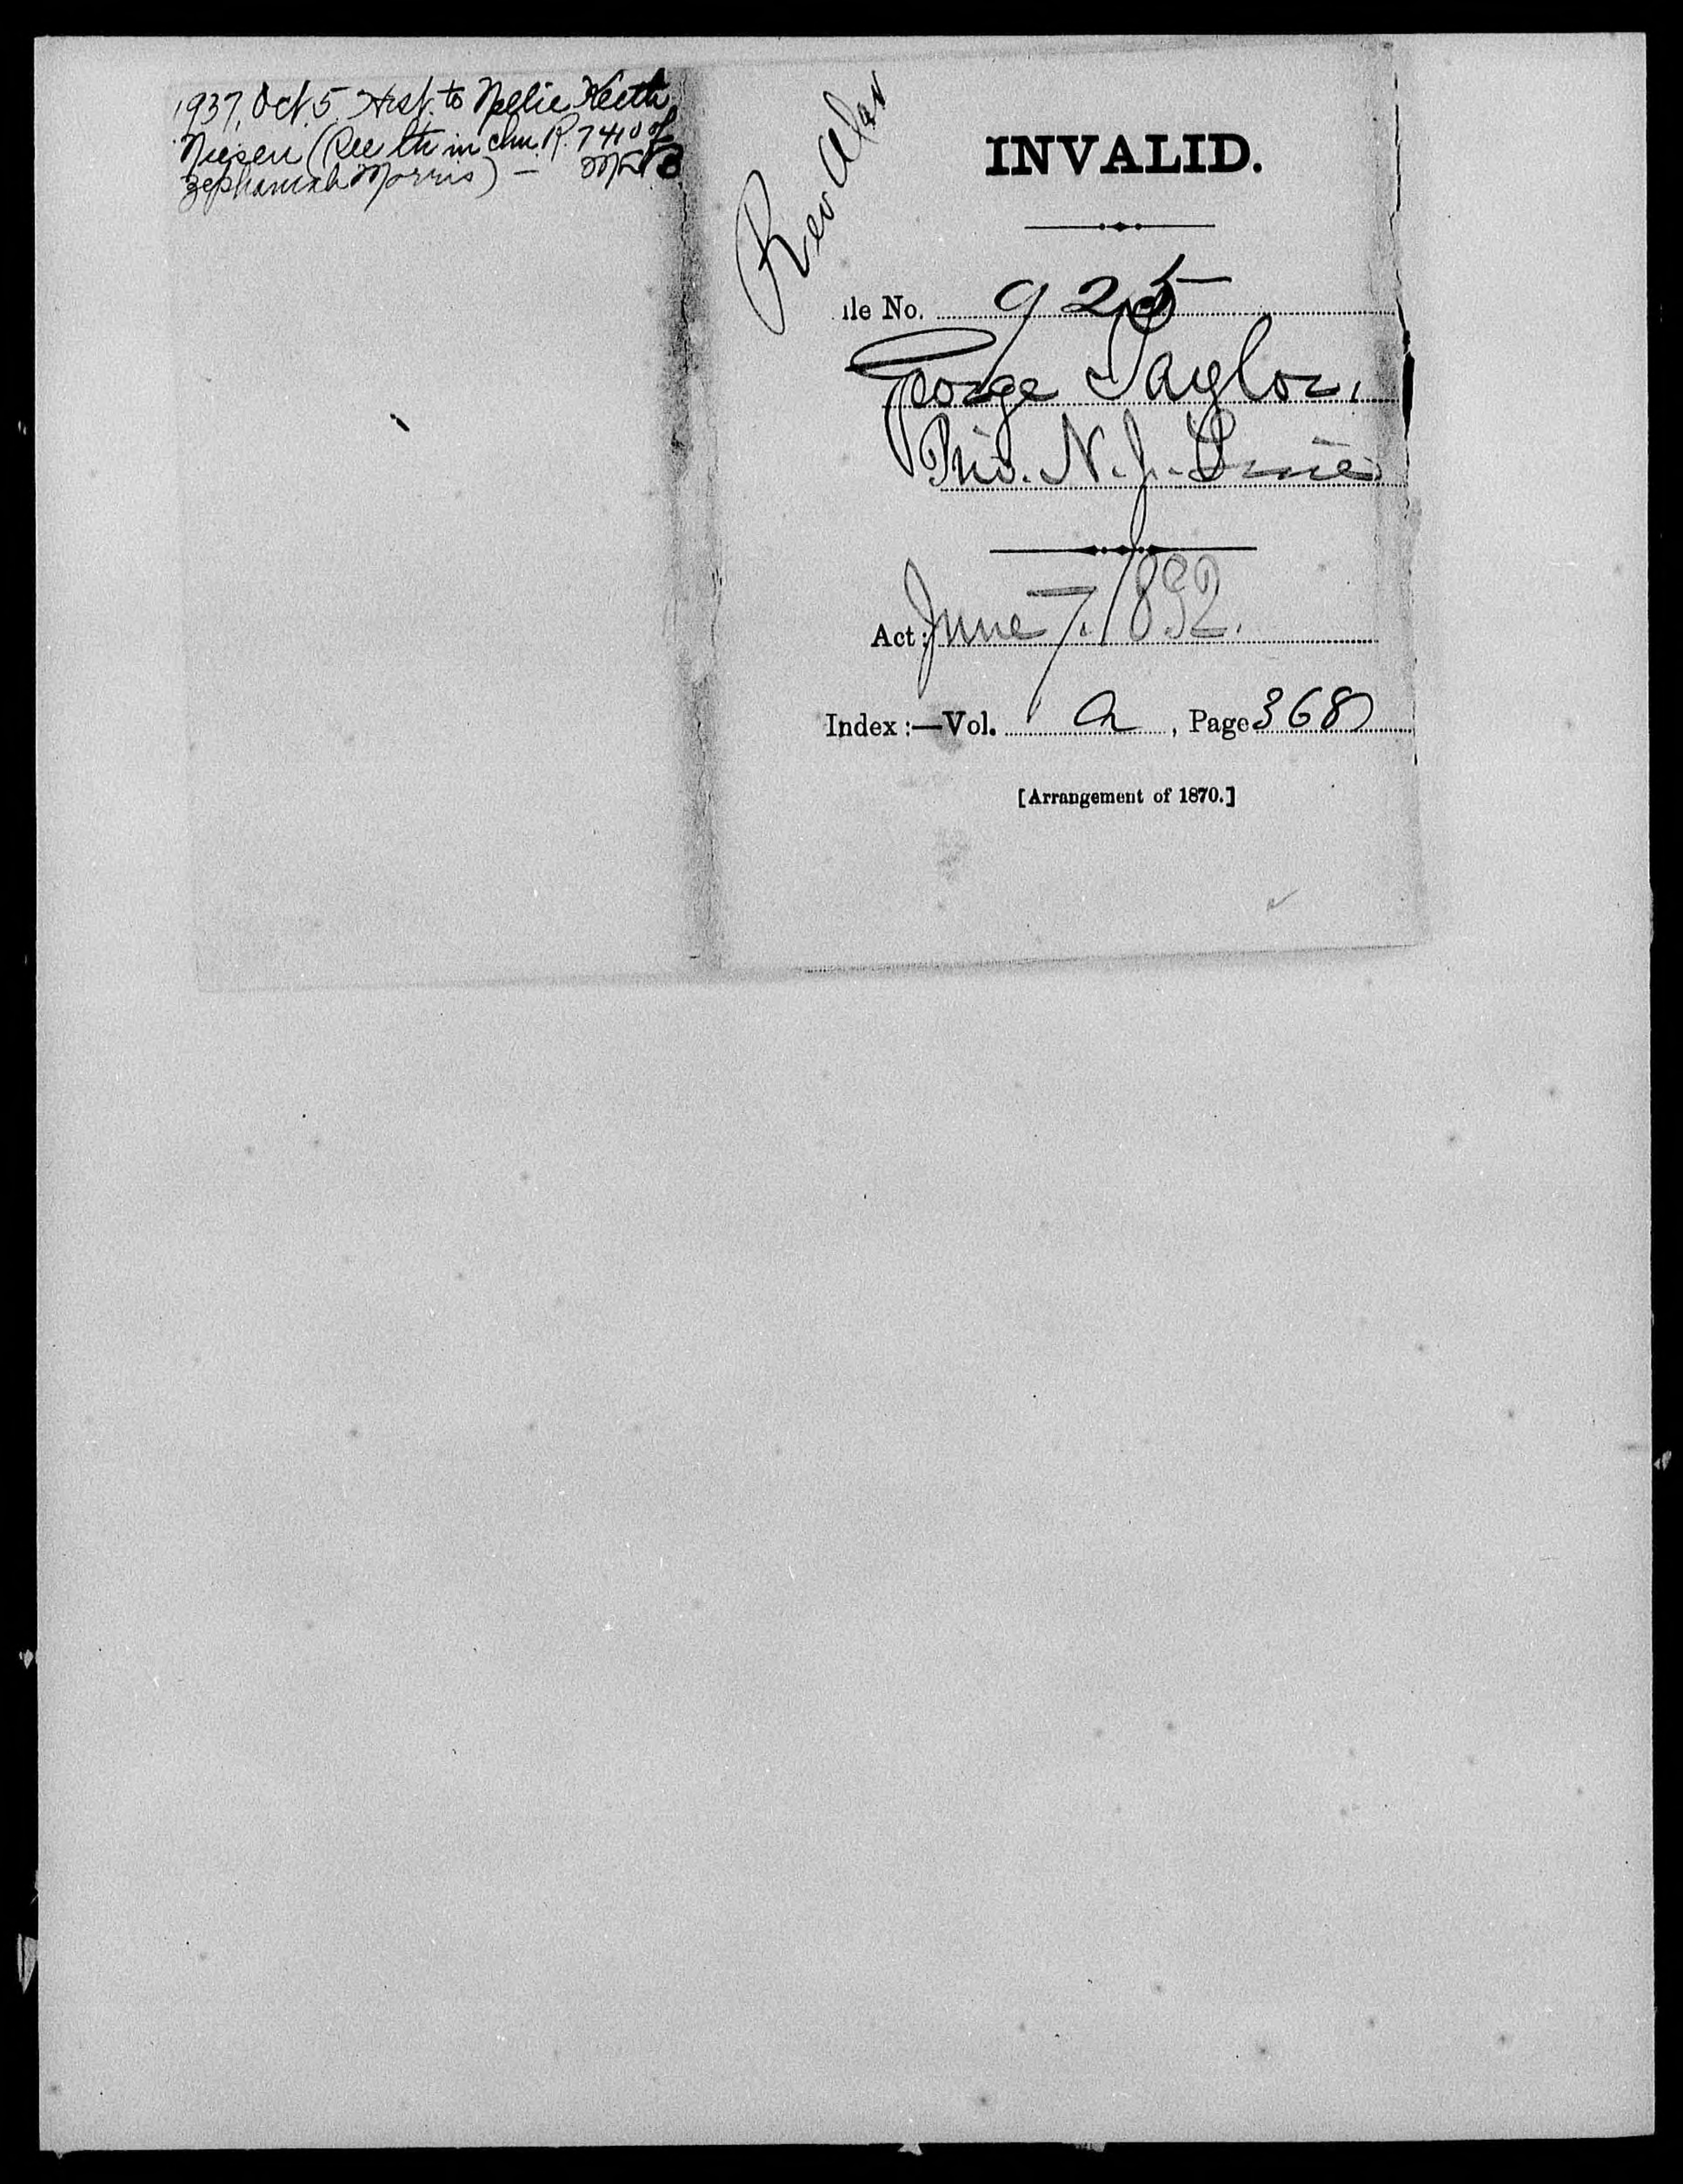Rev War 
INVALID.
---
File No. No. 925
George Taylor
Priv. N.J. Line
Act June 7.1832.
Index:-Vol. A, Page 368
[Arrangement of 1870.}

1937, Oct 5 Hist to Nellie Keeth Niesen (see ltr in  clm R. 7410 of Zephaniah Morris)-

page: 29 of 33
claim: survivor's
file: S. 925, for George Taylor, New Jersey